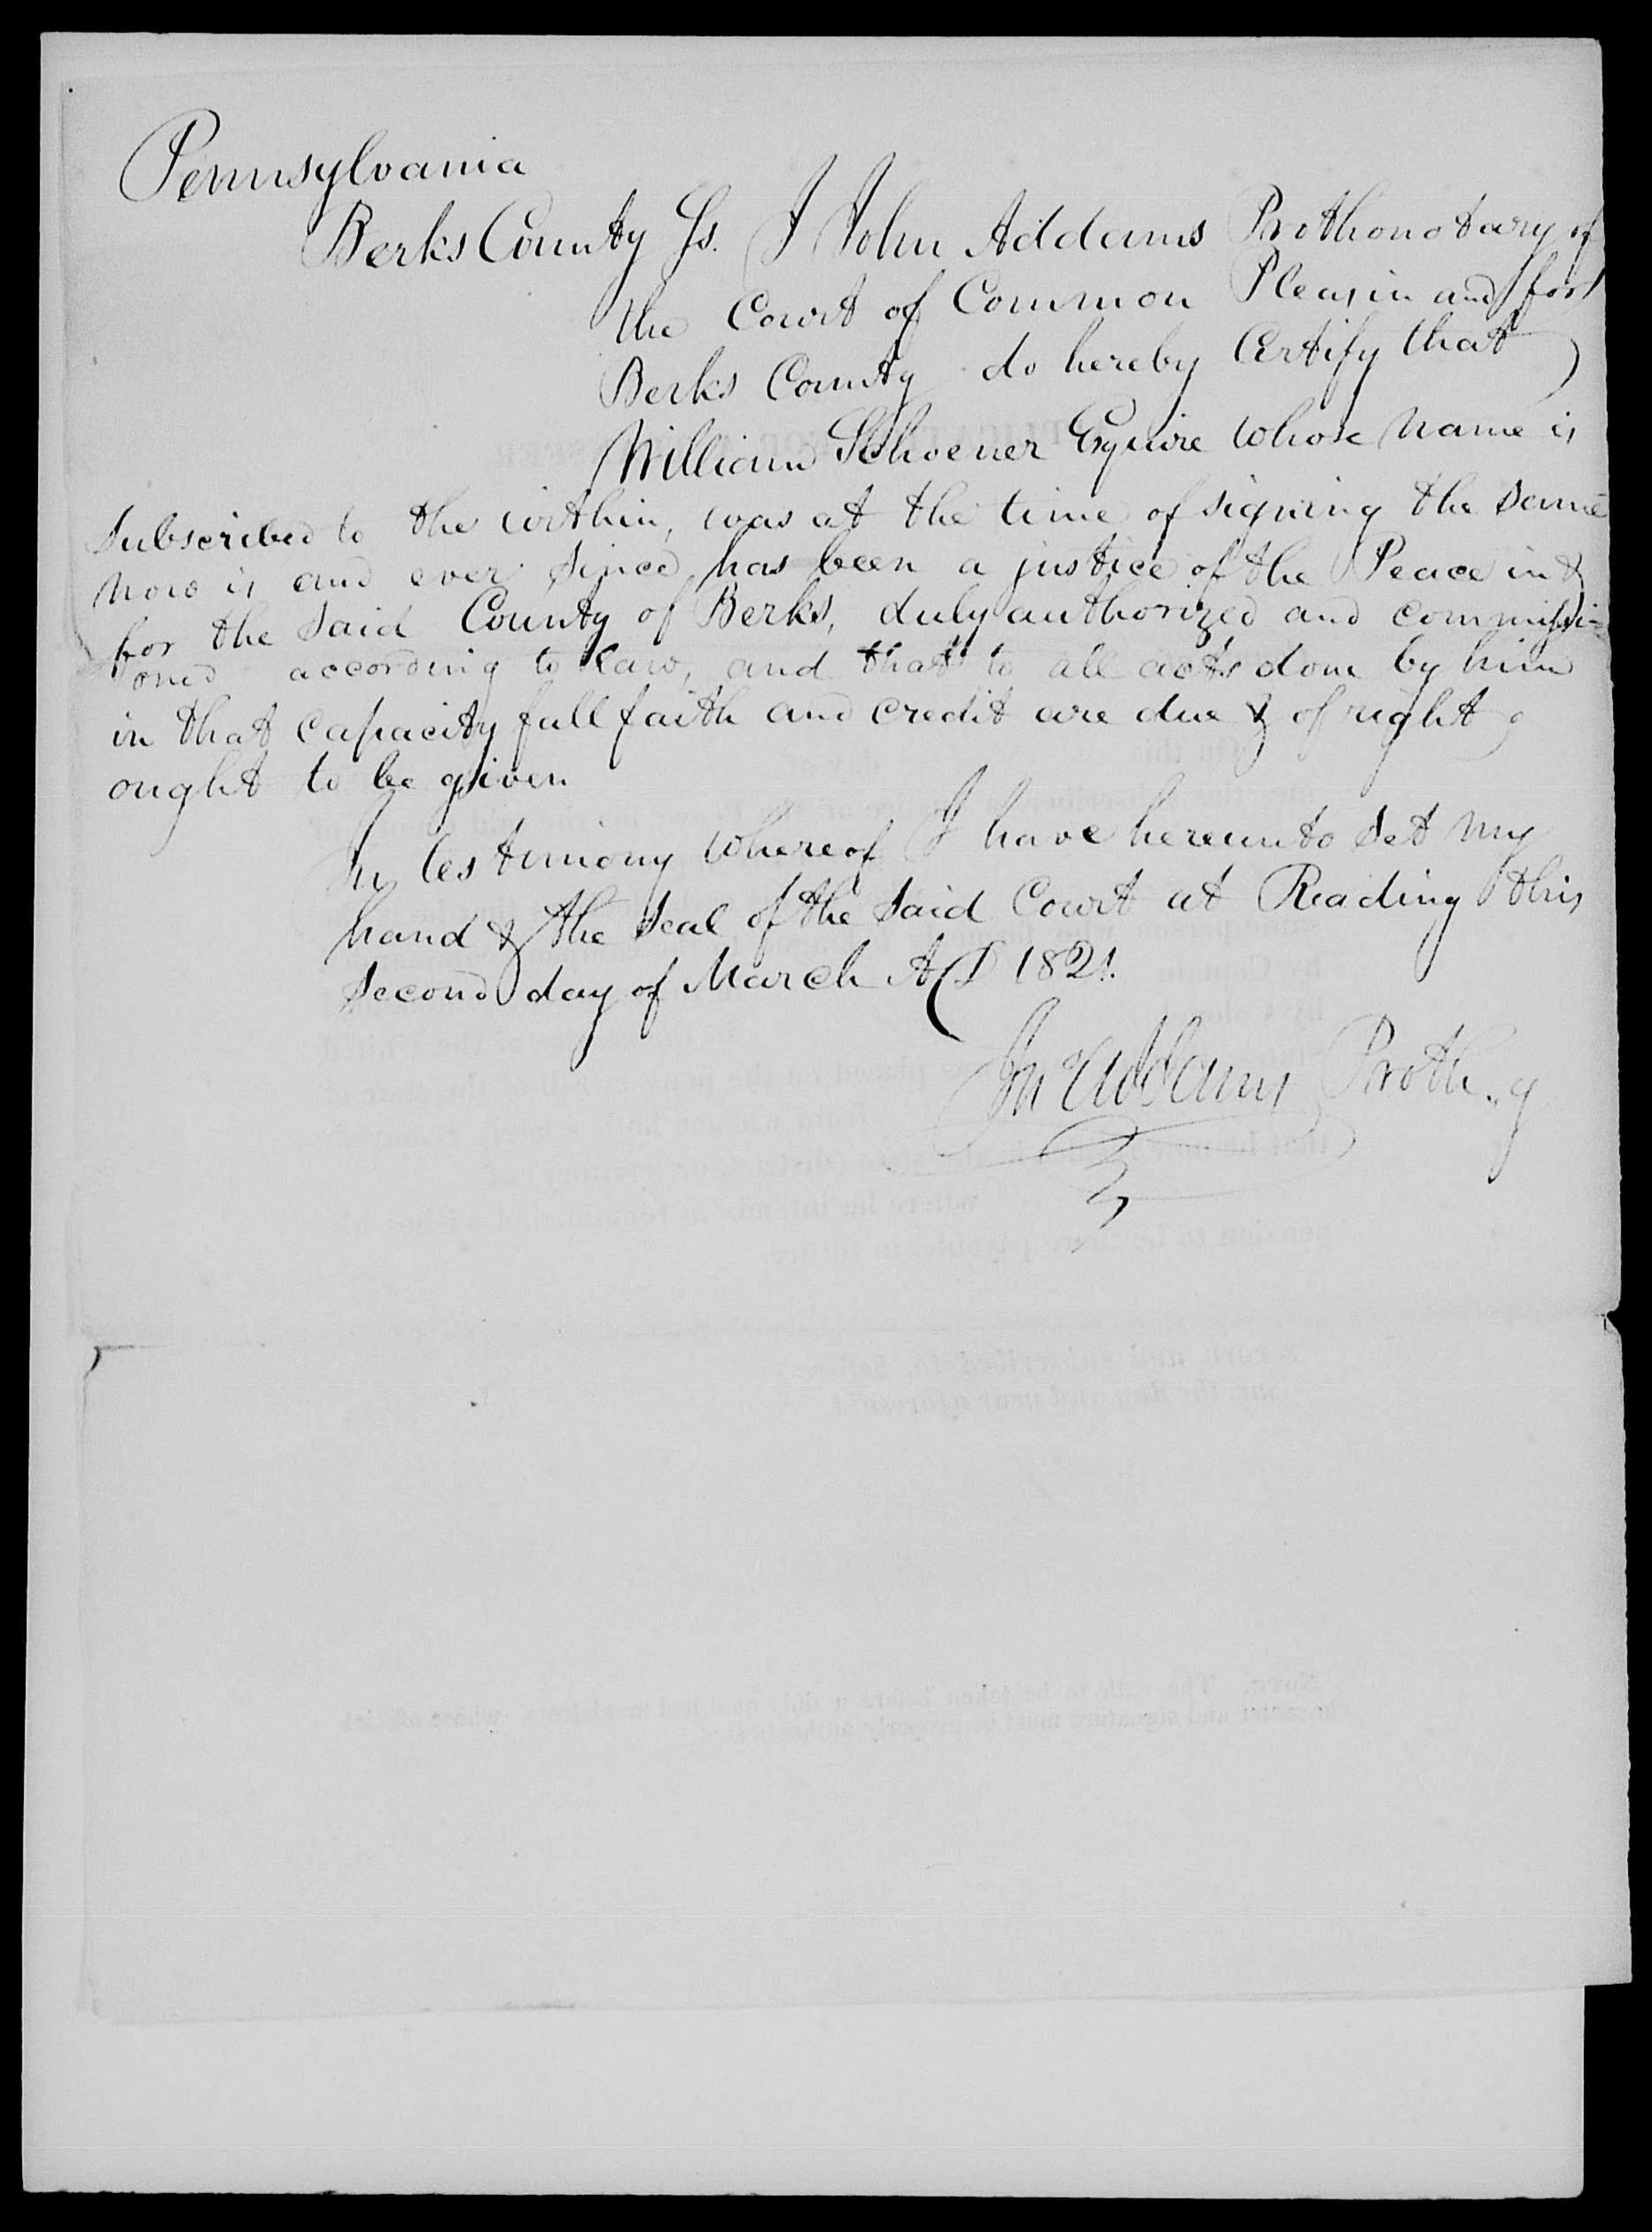Pennsylvania
Berks County SS I John Addams Prothonotary of
the Court of Common Pleas in and for
Berks County do hereby Certify that
William Schoener Esquire whose name is
Subscribed to the within, was at the time of signing the same
here is and ever Since has been a justice of the Peace in &
for the Said County of Berks duly authorized and commissioned
according to law, and that to all acts done by him
in that capacity full faith and credit are due [illegible] of right
ought to be given
In testimony whereof I have hereunto to set my
hand of the seal of the said Court at Reding this
second day of March AD 1821
Jn Addams Prothy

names: William Schoener, Jno Addams, John Addams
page: 25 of 29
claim: widow's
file: W. 2,789, George Hartman, New Jersey